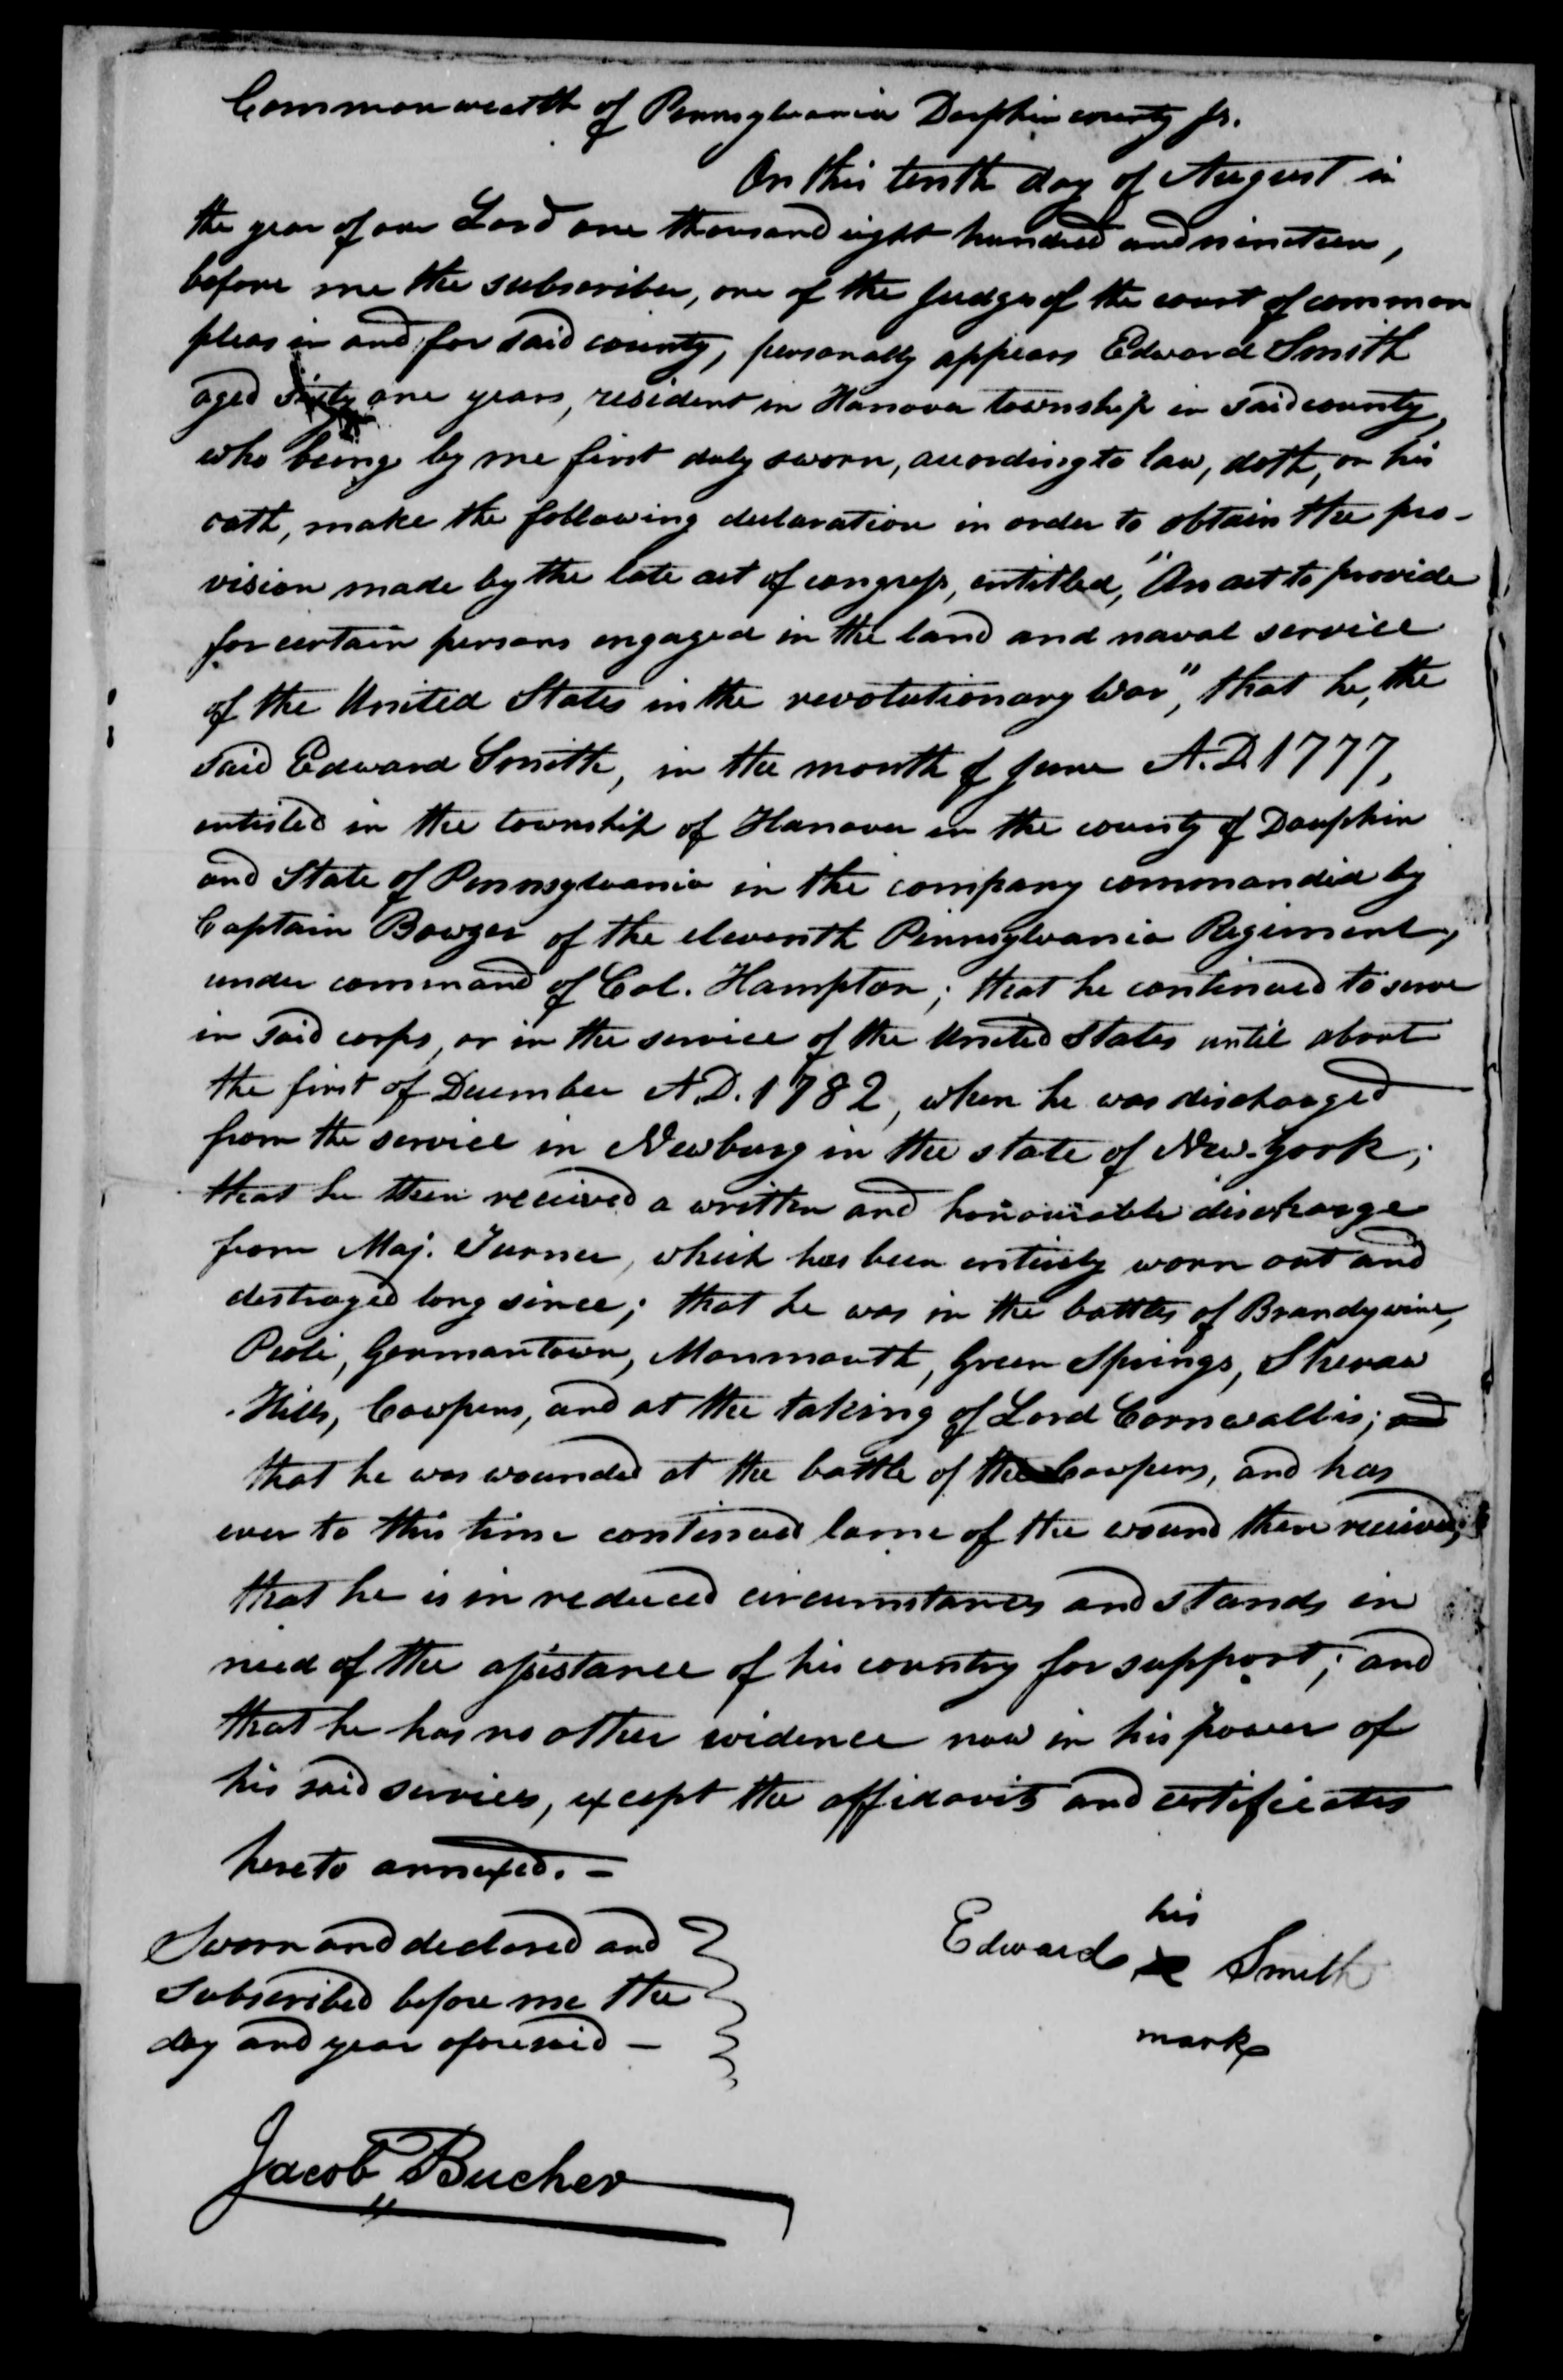Commonwealth of Pennsylvania
 Dauphin County ss

On this tenth day of August in
the year of our Lord one thousand eight hundred and nineteen,
before me the subscriber, one of the Judges of the court of Common
pleas in and for said County, personally appears Edward Smith aged sixty one years, resident in Hanover township in said county
who being by me first duly sworn, according to law, doth, on his oath, make the following declaration in order to obtain the provision
made by the late act of congress, entitled "An act to provide for certain persons engaged in the land and naval service of the United States in the revolutionary war", that he, the
said Edward Smith, in the month of June A.D. 1777 enlisted in the township of Hanover in the County of Dauphin and State of Pennsylvania in the company commanded by
Captain Bowzer of the eleventh Pennsylvania Regiment, under command of Col. Hampton; that he continued to serve in said corps, or in the service of the United States until about
the first of December A.D. 1782, when he was discharged from the service in Newburg in the State of New York; that he then received a written and honourable {honorable} discharge from Maj. Turner, which has been entirely worn out and destroyed long since; that he was in the battles of Brandywine,
Paoli, Germantown, Monmouth, Green Springs, {illegible} Hills, Cowpens, and at the taking of Lord Cornwallis; that he was wounded at the battle of Cowpens, and has
ever to this time continued lame of the wound there received; that he is in reduced circumstances and stands in need of the assistance of his country for support; and
that he has no other evidence now in his power of his said service, except the affidavits and certificates hereto annexed.-

Edward Smith {signature with mark}

Sworn and declared and
subscribed before me the
day and year aforesaid-

Jacob Bucher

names: Jacob Bucher; [BLANK] Turner; [BLANK] Hampton; Edward Smith; [BLANK] Bowzer; Edward Smith; Edward Smith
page: 3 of 20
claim: survivor's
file: S 40454, for Edward Smith, Pennsylvania